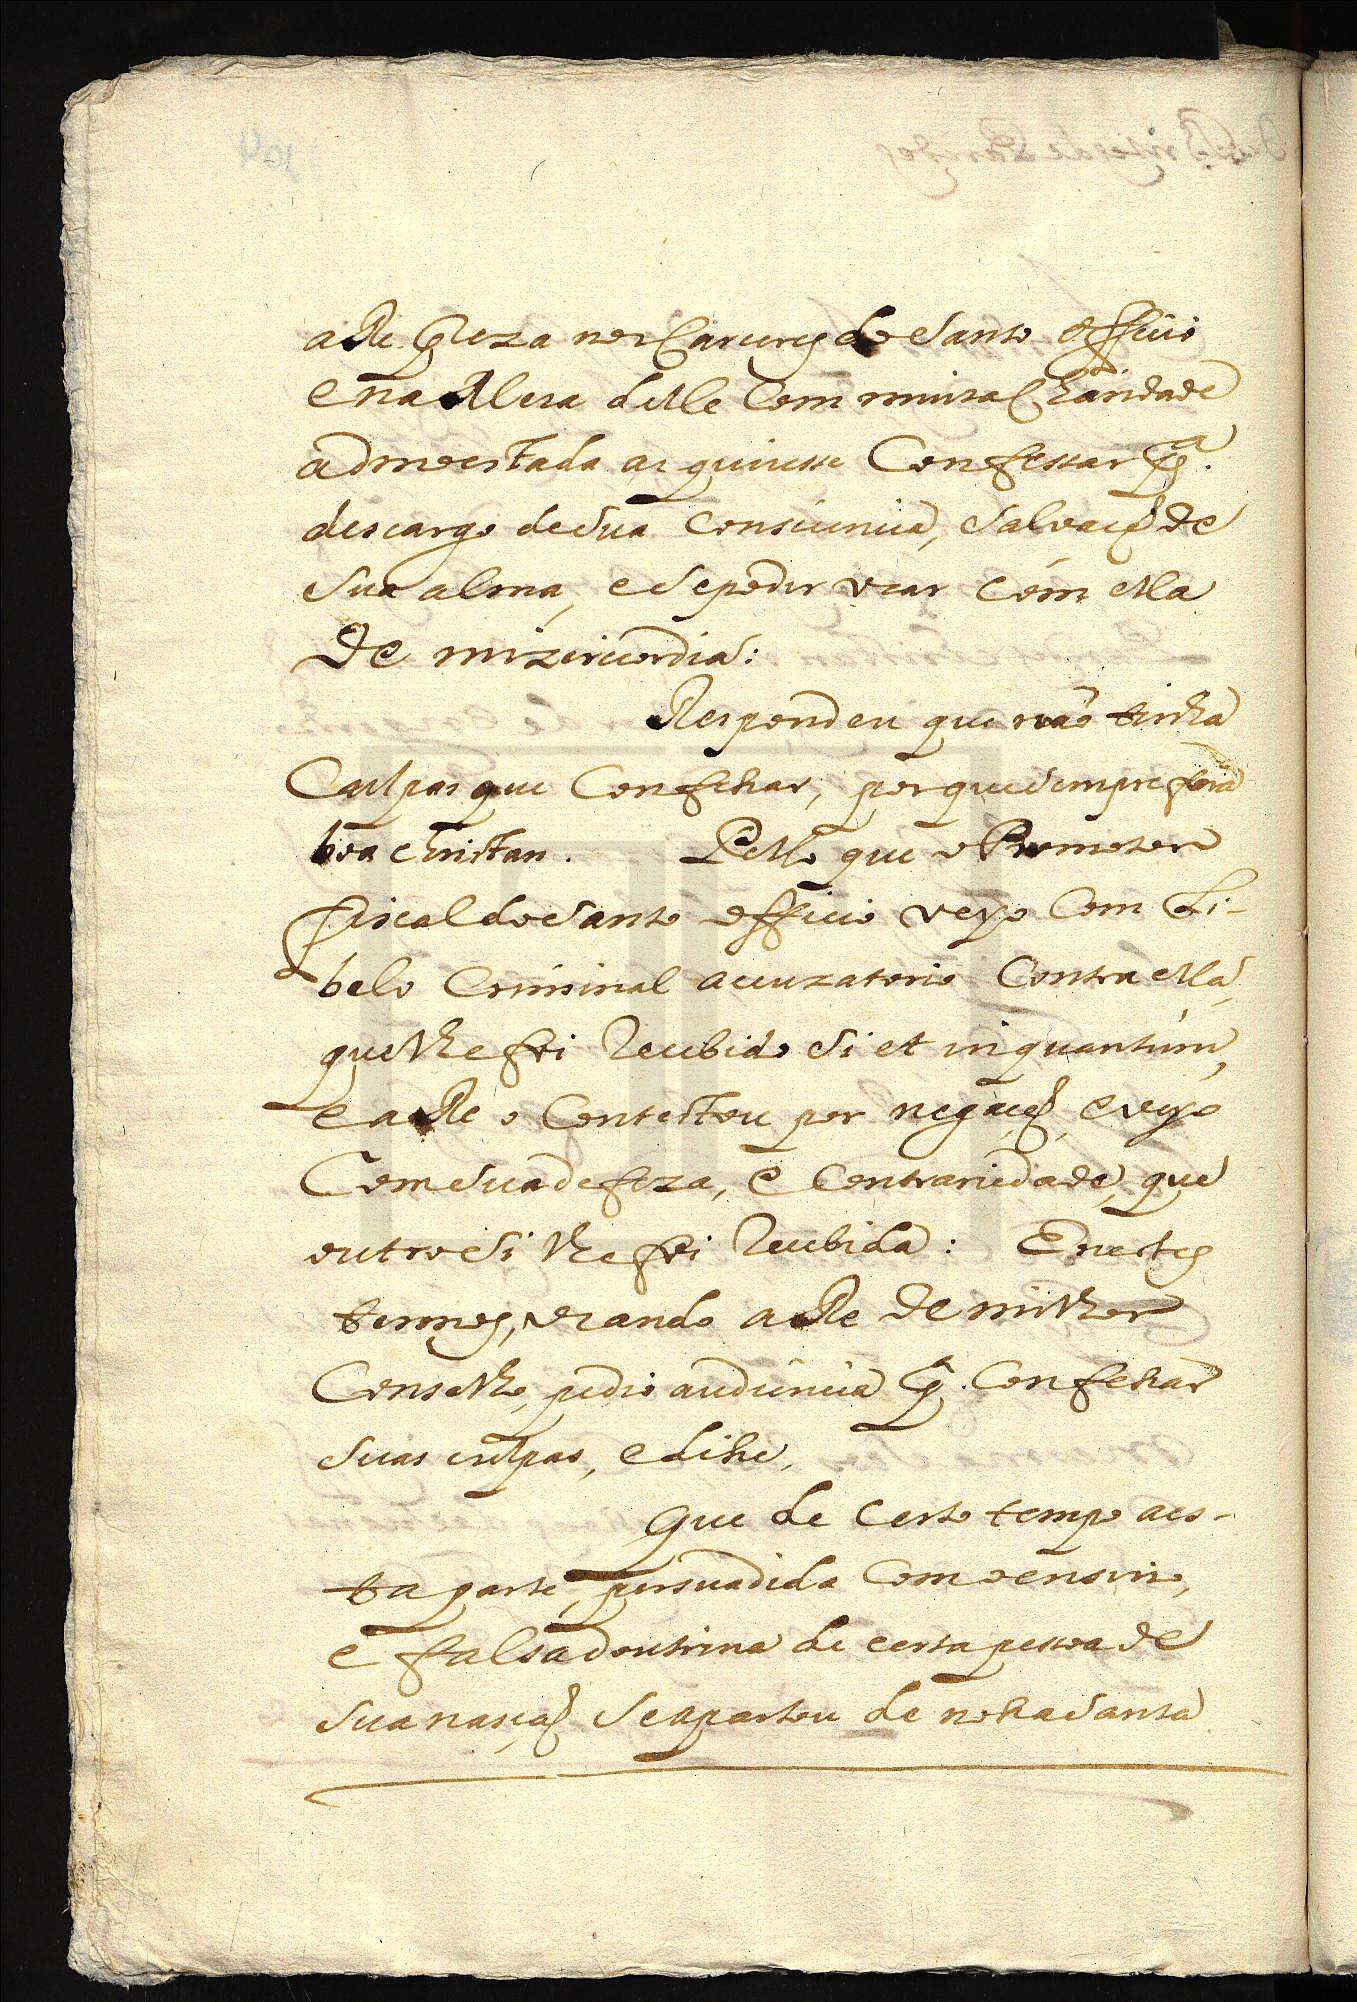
a Re. preza nos Carceres do Santo officio
e na Meza delle Com muita Charidade
admoestada as quizesse Confessar pa.
descargo de Sua consciencia, Salvaçaõ de
Sua alma, e se poder vzar Com ella
de mizericordia:
Respondeu que naõ tinha
Culpas que Confessar, porque sempre fora
boa christan. Pello que o Promotor
fiscal do santo officio veyo Com Li
belo Criminal accuzatorio Contra ella,
que lhe foi Recebido si et in quantum,
e a Re o Contestou por negaçaõ, e veyo
Com sua defeza, e contrariedade, que
outrosi lhe foi Recebida: E nestes
termos, uzando a Re de milhor
Conselho, pedio audiencia pa. Confessar
suas culpas, e disse,
que de certo tempo a es
ta parte, persuadida Com o ensino,
e falsa doutrina de certa pessoa de
sua nasçaõ Se apartou de nossa Santa
